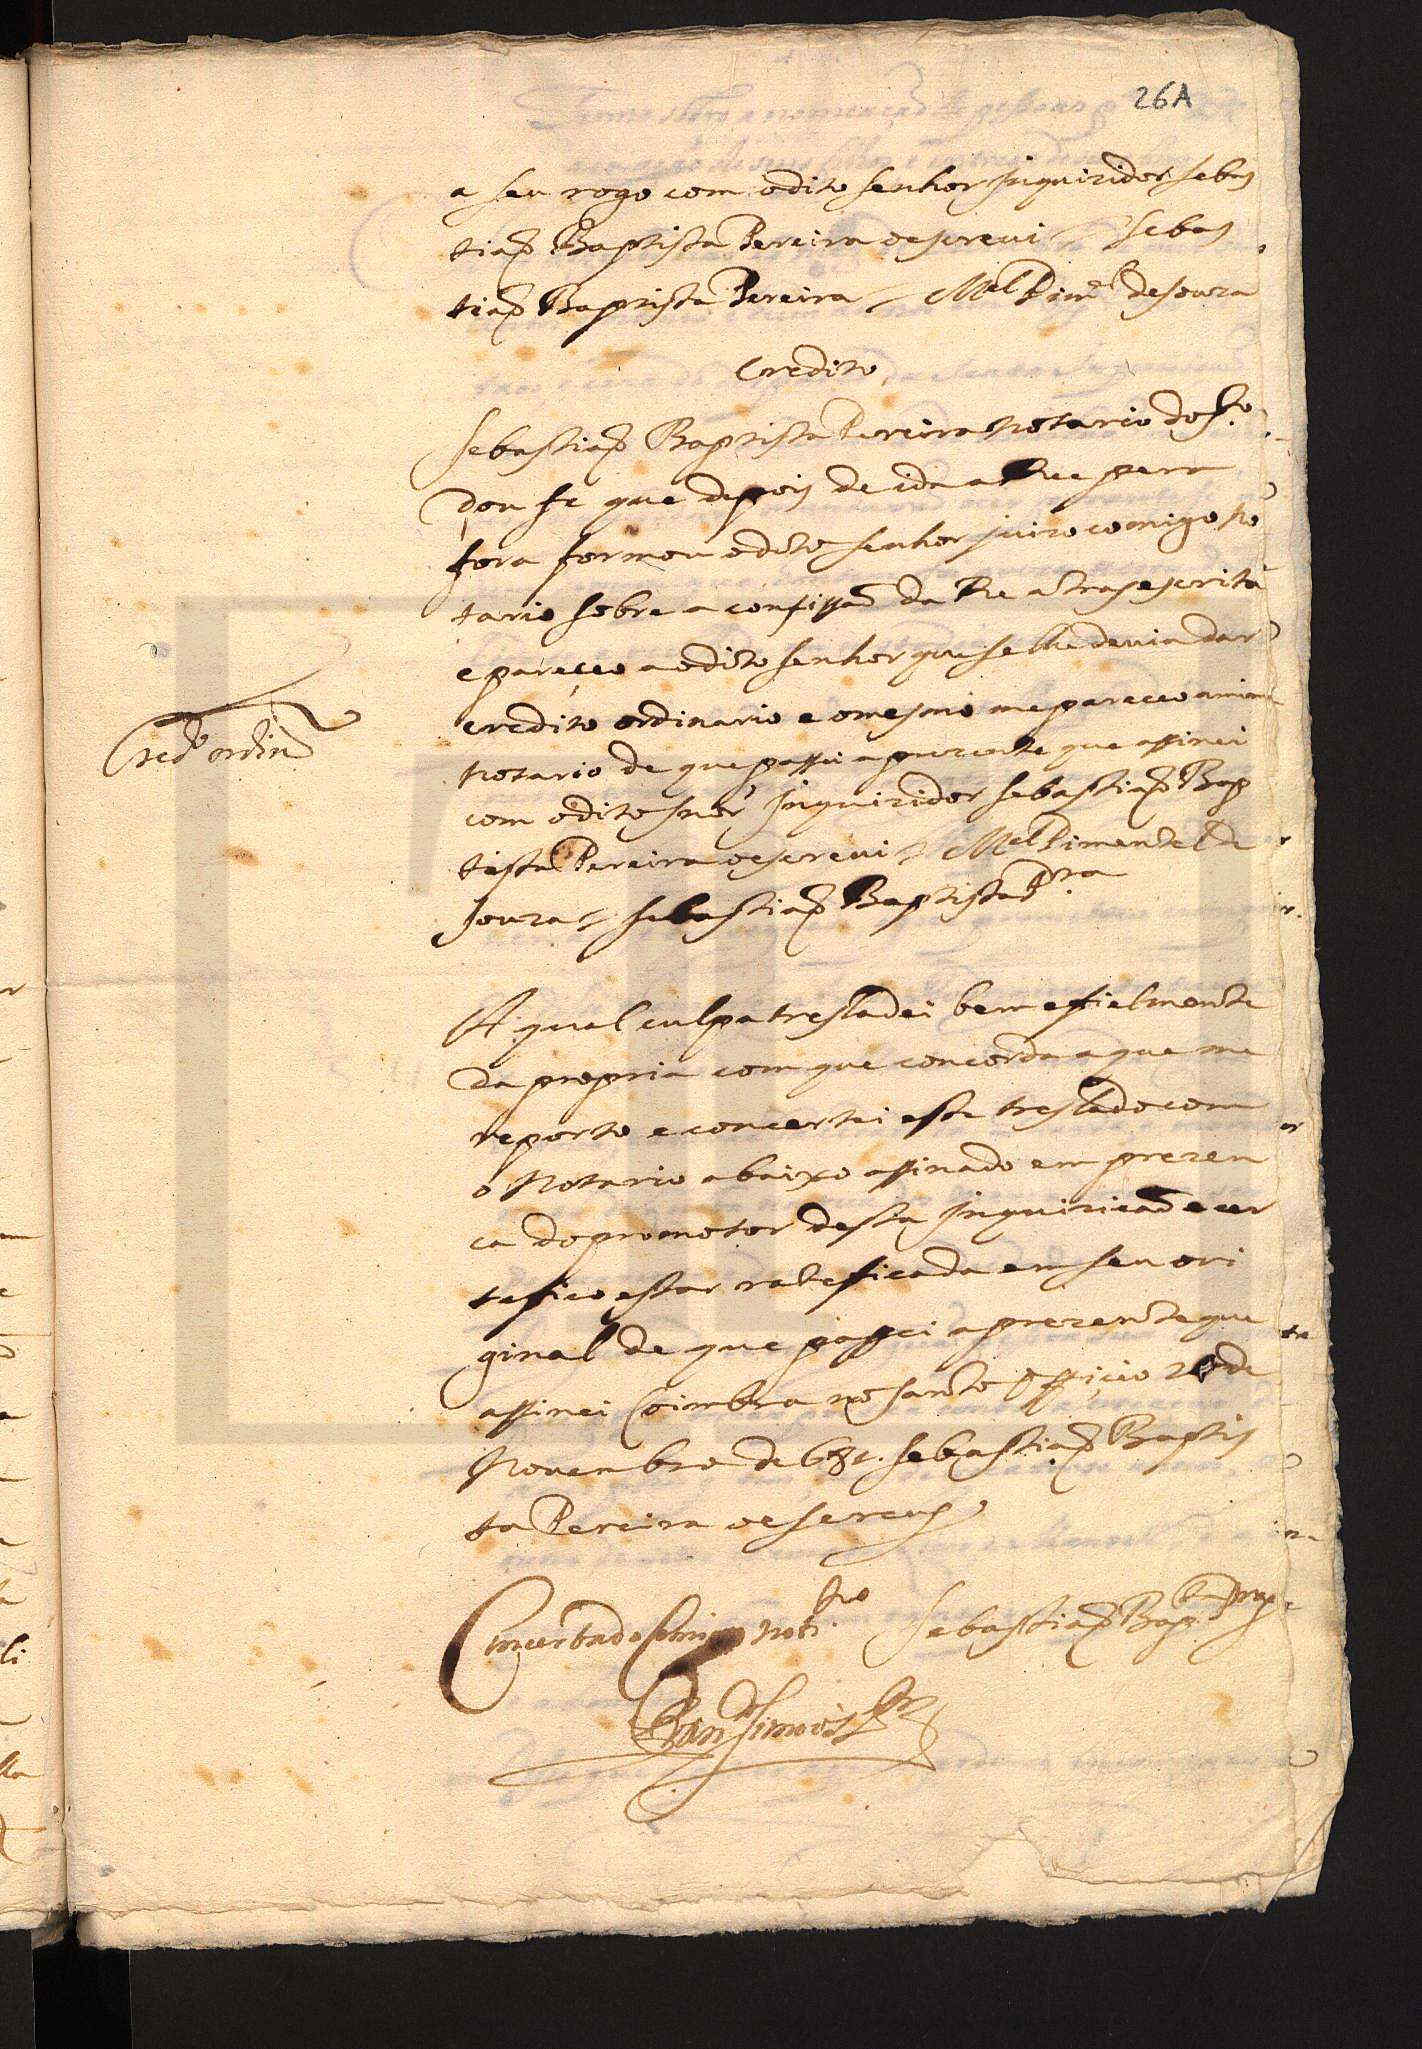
a seu rogo com o dito senhor jnquizidor sebas
tiaõ Baptista Pereira o escreui // sebas
tiaõ Baptista Pereira // Mel Pimel de souza
Credito
Sebastiaõ Baptista Pereira notario do s.to
dou fe que depois de ida a Ree pera
fora formou o dito senhor juizo comigo no
tario sobre a confissaõ da Re atras escrita
e pareçeo ao dito senhor que se lhe deuia dar
credito ordinario e o mesmo me pareceo a mim
notario de que passei a prezente que assinei
com o dito snor̄ Jnquizidor sebastiaõ Bap
tista Pereira o escreui // Mel Pimentel de
souza // sebastiaõ Baptista P.ra
A qual culpa tresladei bem e fielmente
da propria com que concorda a que me
reporto e concertei este treslado com
o notario abaixo assinado em prezen
ca do promotor desta jnquizicaõ e cer
tefico estar rateficada em seu ori
ginal de que passei a prezente que
assinei Coimbra no Santo Offiçio 2_ de
Nouembro de 681. sebastiaõ Baptis
ta Pereira o escreuj
Concertado Comi__ notr.tro
Credo ordinro
